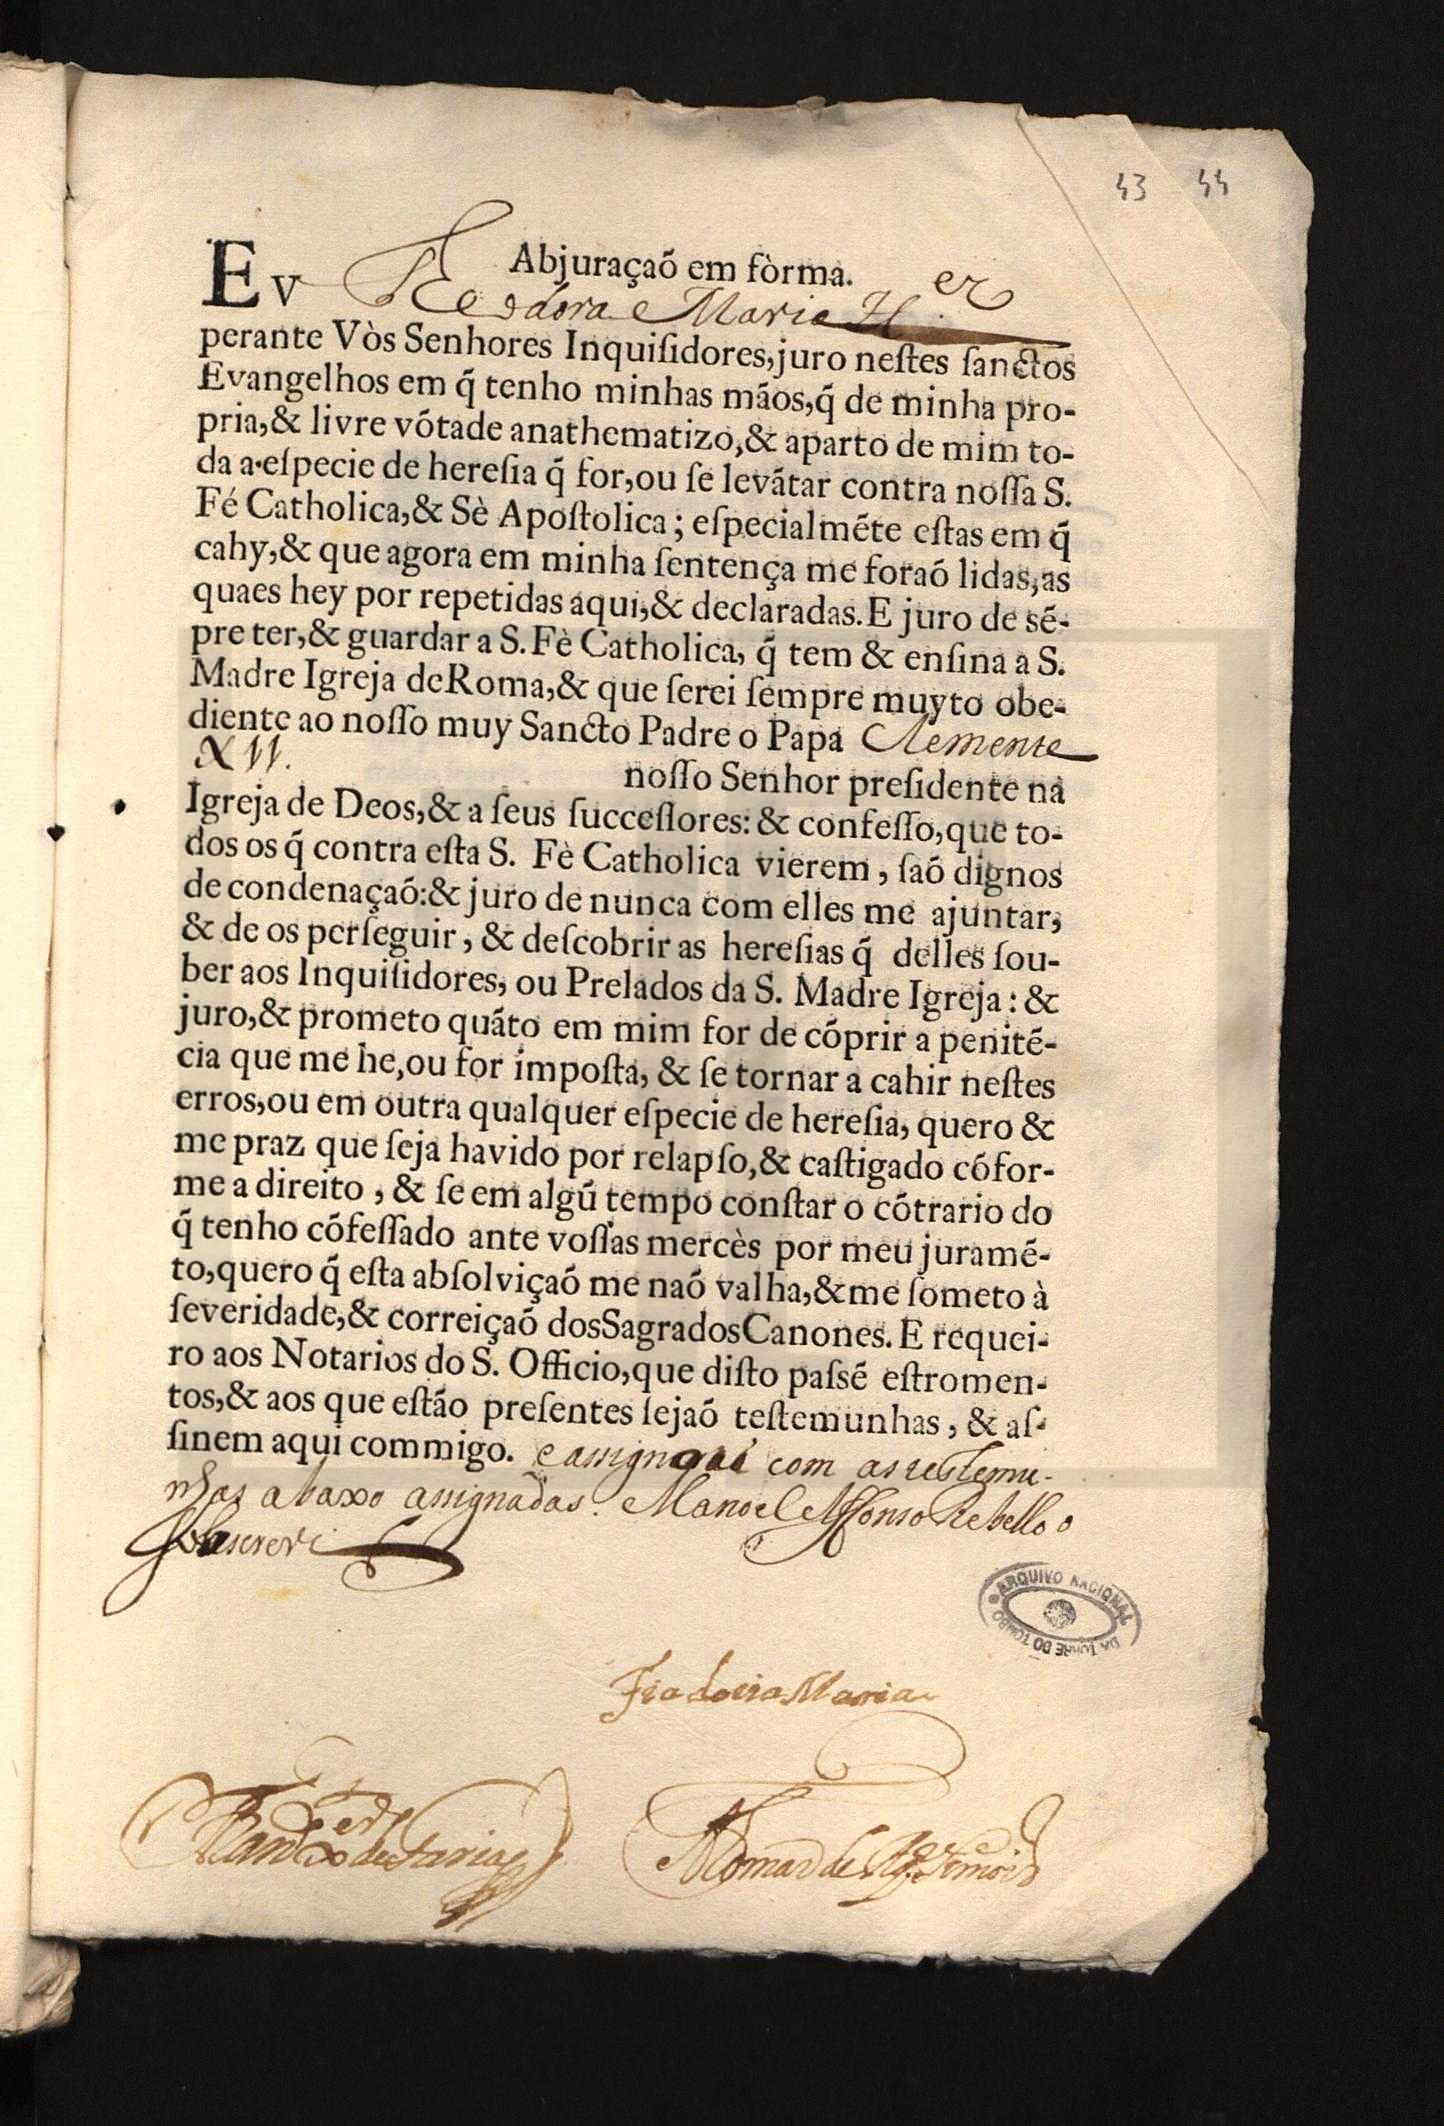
Abjuraçaõ em forma.
EV Theodora Maria Hez
perante Vòs Senhores Inquisidores, juro nestes sanctos
Evangelhos em q̄ tenho minhas mãos, q̄ de minha pro
pria, & livre vōtade anathematizo, & aparto de mim to
da a especie de heresia q̄ for, ou se levātar contra nossa S.
Fé Catholica, & Sè Apostolica; especialmēte estas em q̄
cahy, & que agora em minha sentença me foraõ lidas, as
quaes hey por repetidas aqui, & declaradas. E juro de sē
pre ter, & guardar a S. Fè Catholica, q̄ tem & ensina a S.
Madre Igreja de Roma, & que serei sempre muyto obe
diente ao nosso muy Sancto Padre o Papa Clemente
X11.
nosso Senhor presidente na
Igreja de Deos, & a seus successores: & confesso, que to
dos os q̄ contra esta S. Fè Catholica vierem, saõ dignos
de condenaçaõ: & juro de nunca com elles me ajuntar,
& de os perseguir, & descobrir as heresias q̄ delles sou
ber aos Inquisidores, ou Prelados da S. Madre Igreja: &
juro, & prometo quāto em mim for de cōprir a penitē
cia que me he, ou for imposta, & se tornar a cahir nestes
erros, ou em outra qualquer especie de heresia, quero &
me praz que seja havido por relapso, & castigado cōfor
me a direito, & se em algū tempo constar o cōtrario do
q̄ tenho cōfessado ante vossas merces por meu juramē
to, quero q̄ esta absolviçaõ me naõ valha, & me someto à
severidade, & correiçaõ dos Sagrados Canones. E requei
ro aos Notarios do S. Officio, que disto passē estromen
tos, & aos que estão presentes sejaõ testemunhas, & as
sinem aqui commigo. e assignarõ com as testemu
nhas abaxo assignadas. Manoel Affonso Rebello o
sobescrevi
Tiadozia Maria
Franco de Farias
Thomaz de Ag.do Simois
